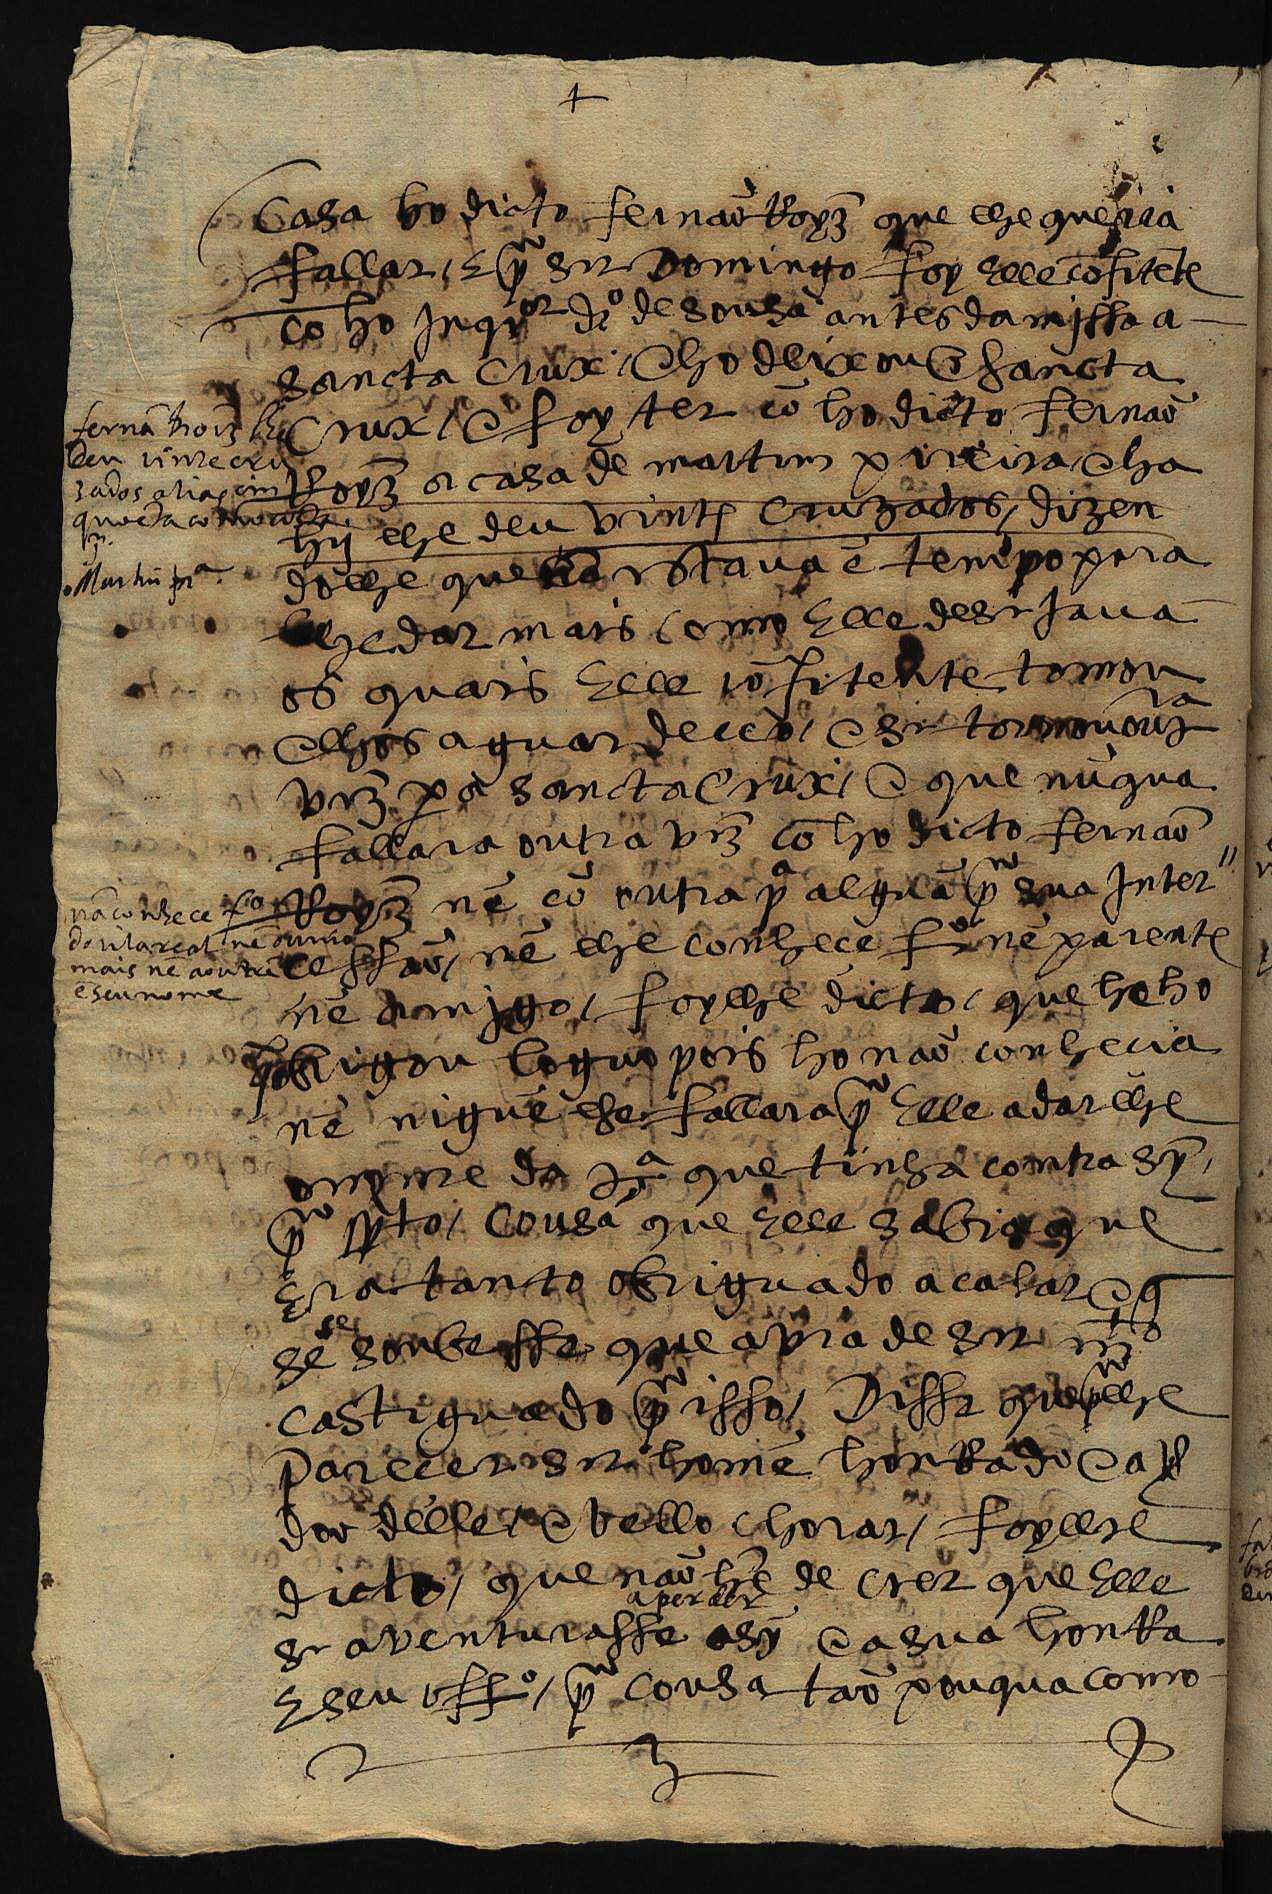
casa ho dicto fernaõ Royz̄ que lhe queria
fallar / E p̄o ser Domingo foy Elle cōfitēte
c̄o ho Jnquor dio de sousa antes da mjssa a
sancta crux / e ho deixou ē sancta
Crux / e foy ter cō ho dicto fernaõ
fernā Roīz lhe
deu vinte cru
zados alias cin
quoēta como cōsta
Martim pra.
Roȳz a casa de martim pireira, e ha
hij lhe deu vintꝭ cruzados, dizen
dolhe que nā estaua ē tempo pera
lhe dar mais como Elle deseJaua
os quais Elle cōfitente tomou
e lhos aguardeceo / e se tornou outra
vez ꝑa sancta Crux / e que nūqua
fallara outra vez cō ho dicto fernaõ
nā conhece fo
do uila real nē ouuio
mais nē a outrē
ē seu nome
Royz̄ nē cō outra pa alguā p̄o sua Jnter
cessaõ, nē lhe conhece fo nē parente
nē amjgo / foylhe dicto / que he ho
q̄ obrigou loguo pois ho naõ conhecia
nē niguē lhe fallara p̄o Elle a darlhe
o nome da ta que tinha contra sȳ,
p̄o sp̄to / cousa que Elle sabia que
Era tanto obriguado a calar e q̄
se soubesse que avia de ser mto
castiguado p̄o isso / Disse que p̄o lhe
parecer ser homē honRado e aꝞ
dor delle / e vello chorar / foylhe
dicto / que naõ he de crer que Elle
a perder
se aventurasse asȳ e a sua honRa
E seu offo / p̄o cousa taõ pouqua como
